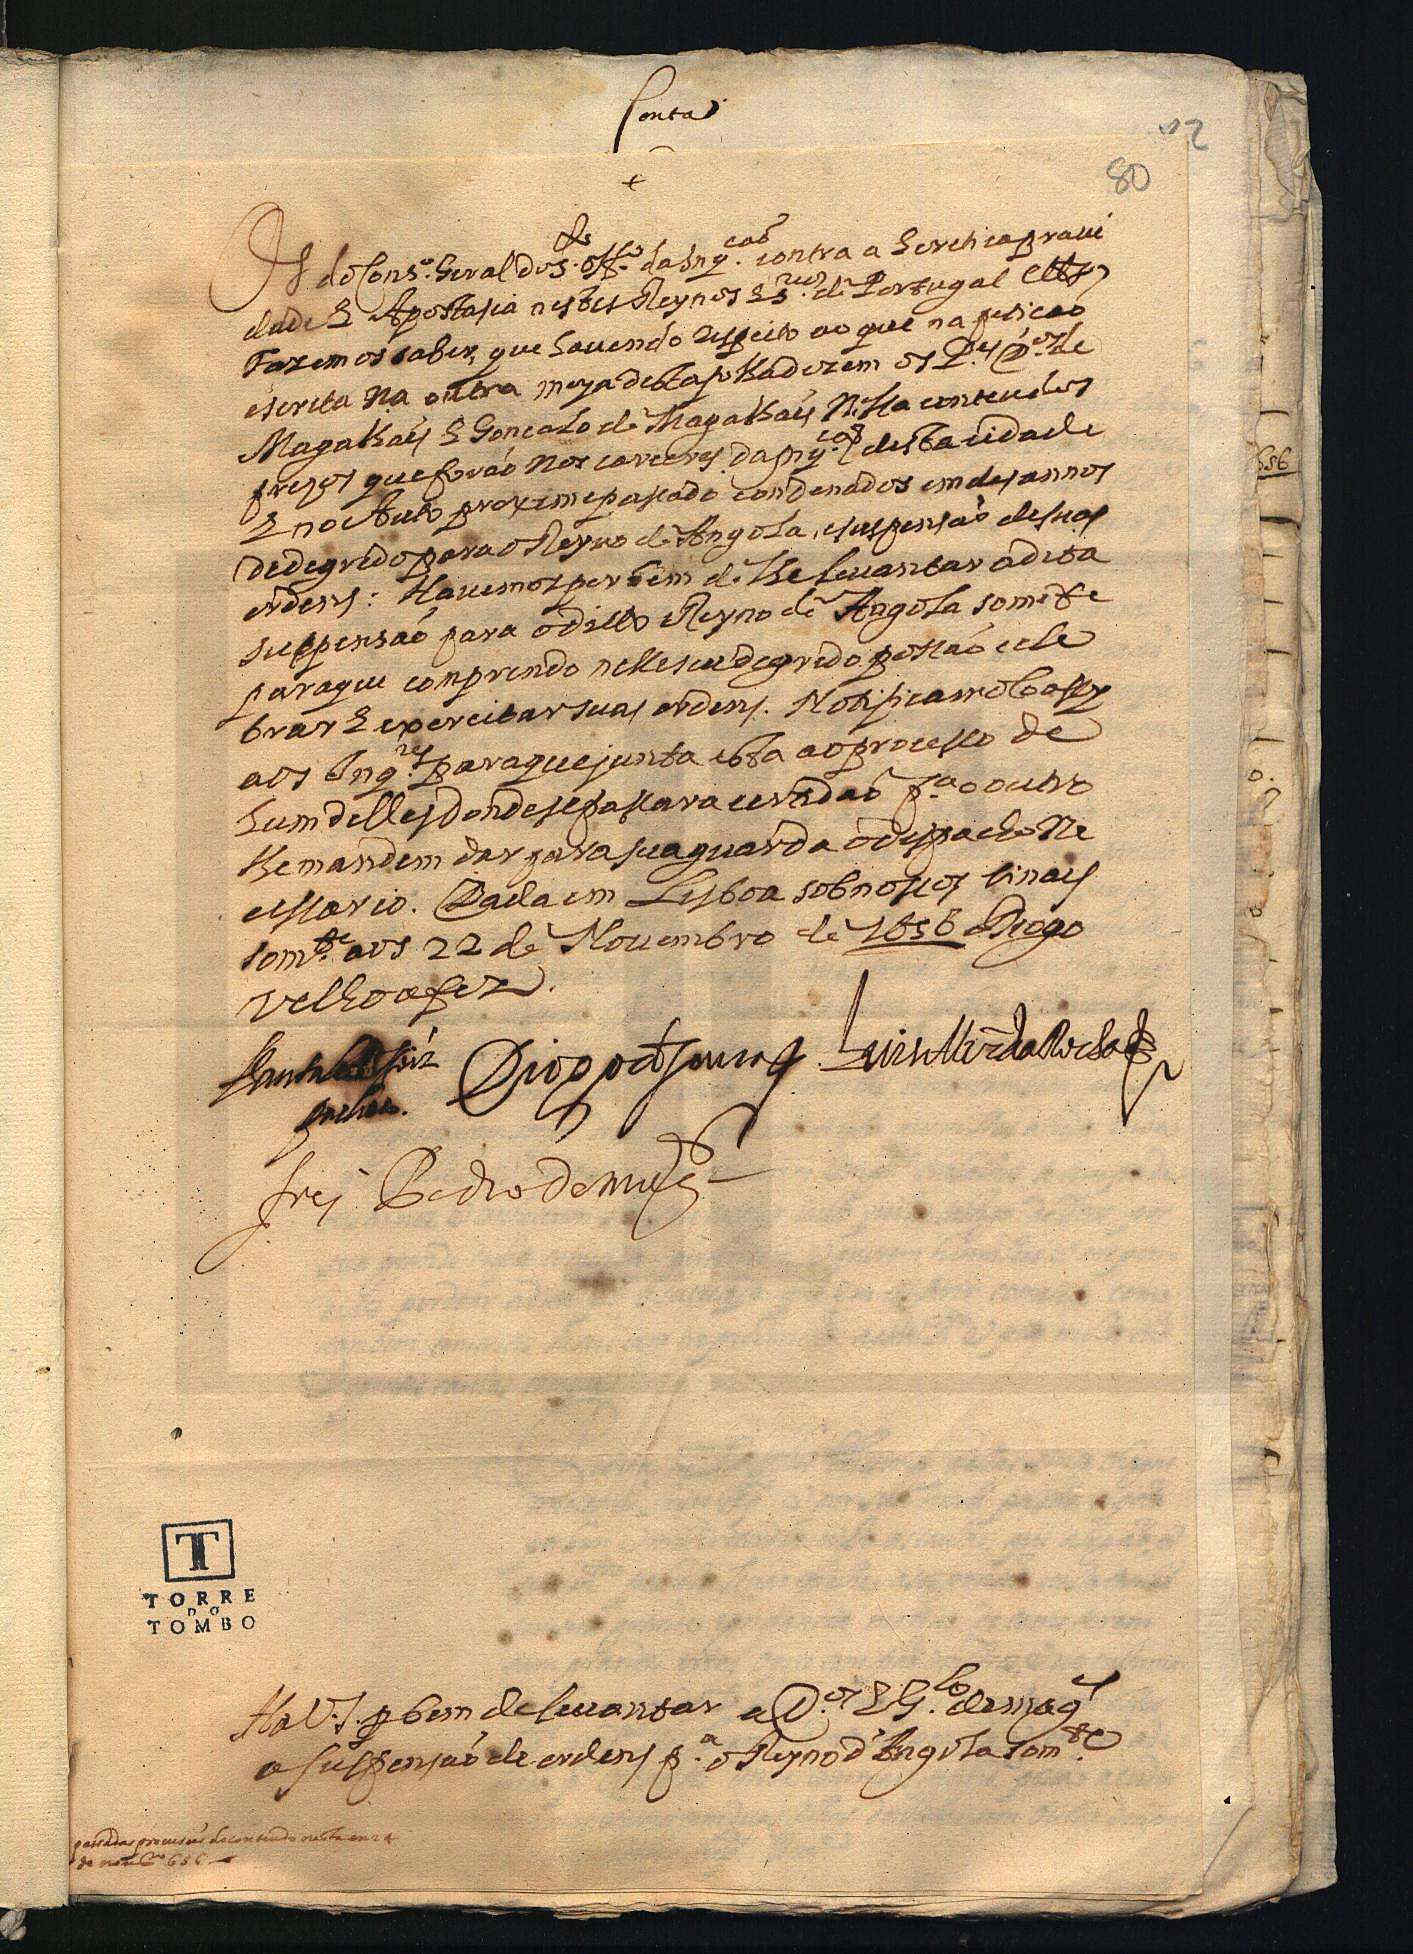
Os do Cons.o Geral do s.to off.o da Inq.caõ contra a heretica praui
dade E Apostasia nestes Reynos E s.rios de Portugal ettꝭ
Fazemos saber, que hauendo respeito ao que na petiçaõ
escrita na outra meya desta folha dizem os P.es D.os de
Magalhaẽs E Gonçalo de Magalhaẽs nella conteudos
prezos que foraõ nos carceres da jnq.caõ desta cidade
E no Auto proxime passado condenados em des annos
de degredo para o Reyno de Angola, e suspensaõ de suas
ordens: Hauemos por bem de lhe leuantar a dita
suspensaõ para o ditto Reyno de Angola somēte
para que comprindo nelle seu degredo possaõ cele
brar E exercitar suas ordens. Notificamolo assy
aos Inq.res para que junta esta ao processo de
hum delles donde se passara certidaõ p.a o outro
lhe mandem dar para sua guarda o despacho ne
cessario. Dada em Lisboa sob nossos sinais
som.te aos 22 de Nouembro de 1656 Diogo
Velho a fez
Diogo d̄ souza
Luis Alvz̄ da Rocha
frej Pedro Domingos
Ha V. S. ꝓ bem de leuantar a D.os E G.lo de mages
a suspensaõ de ordens p.a o Reyno d'Angola som.te
passadas prouisoẽs do conteudo nesta en 24
de nouro 656
